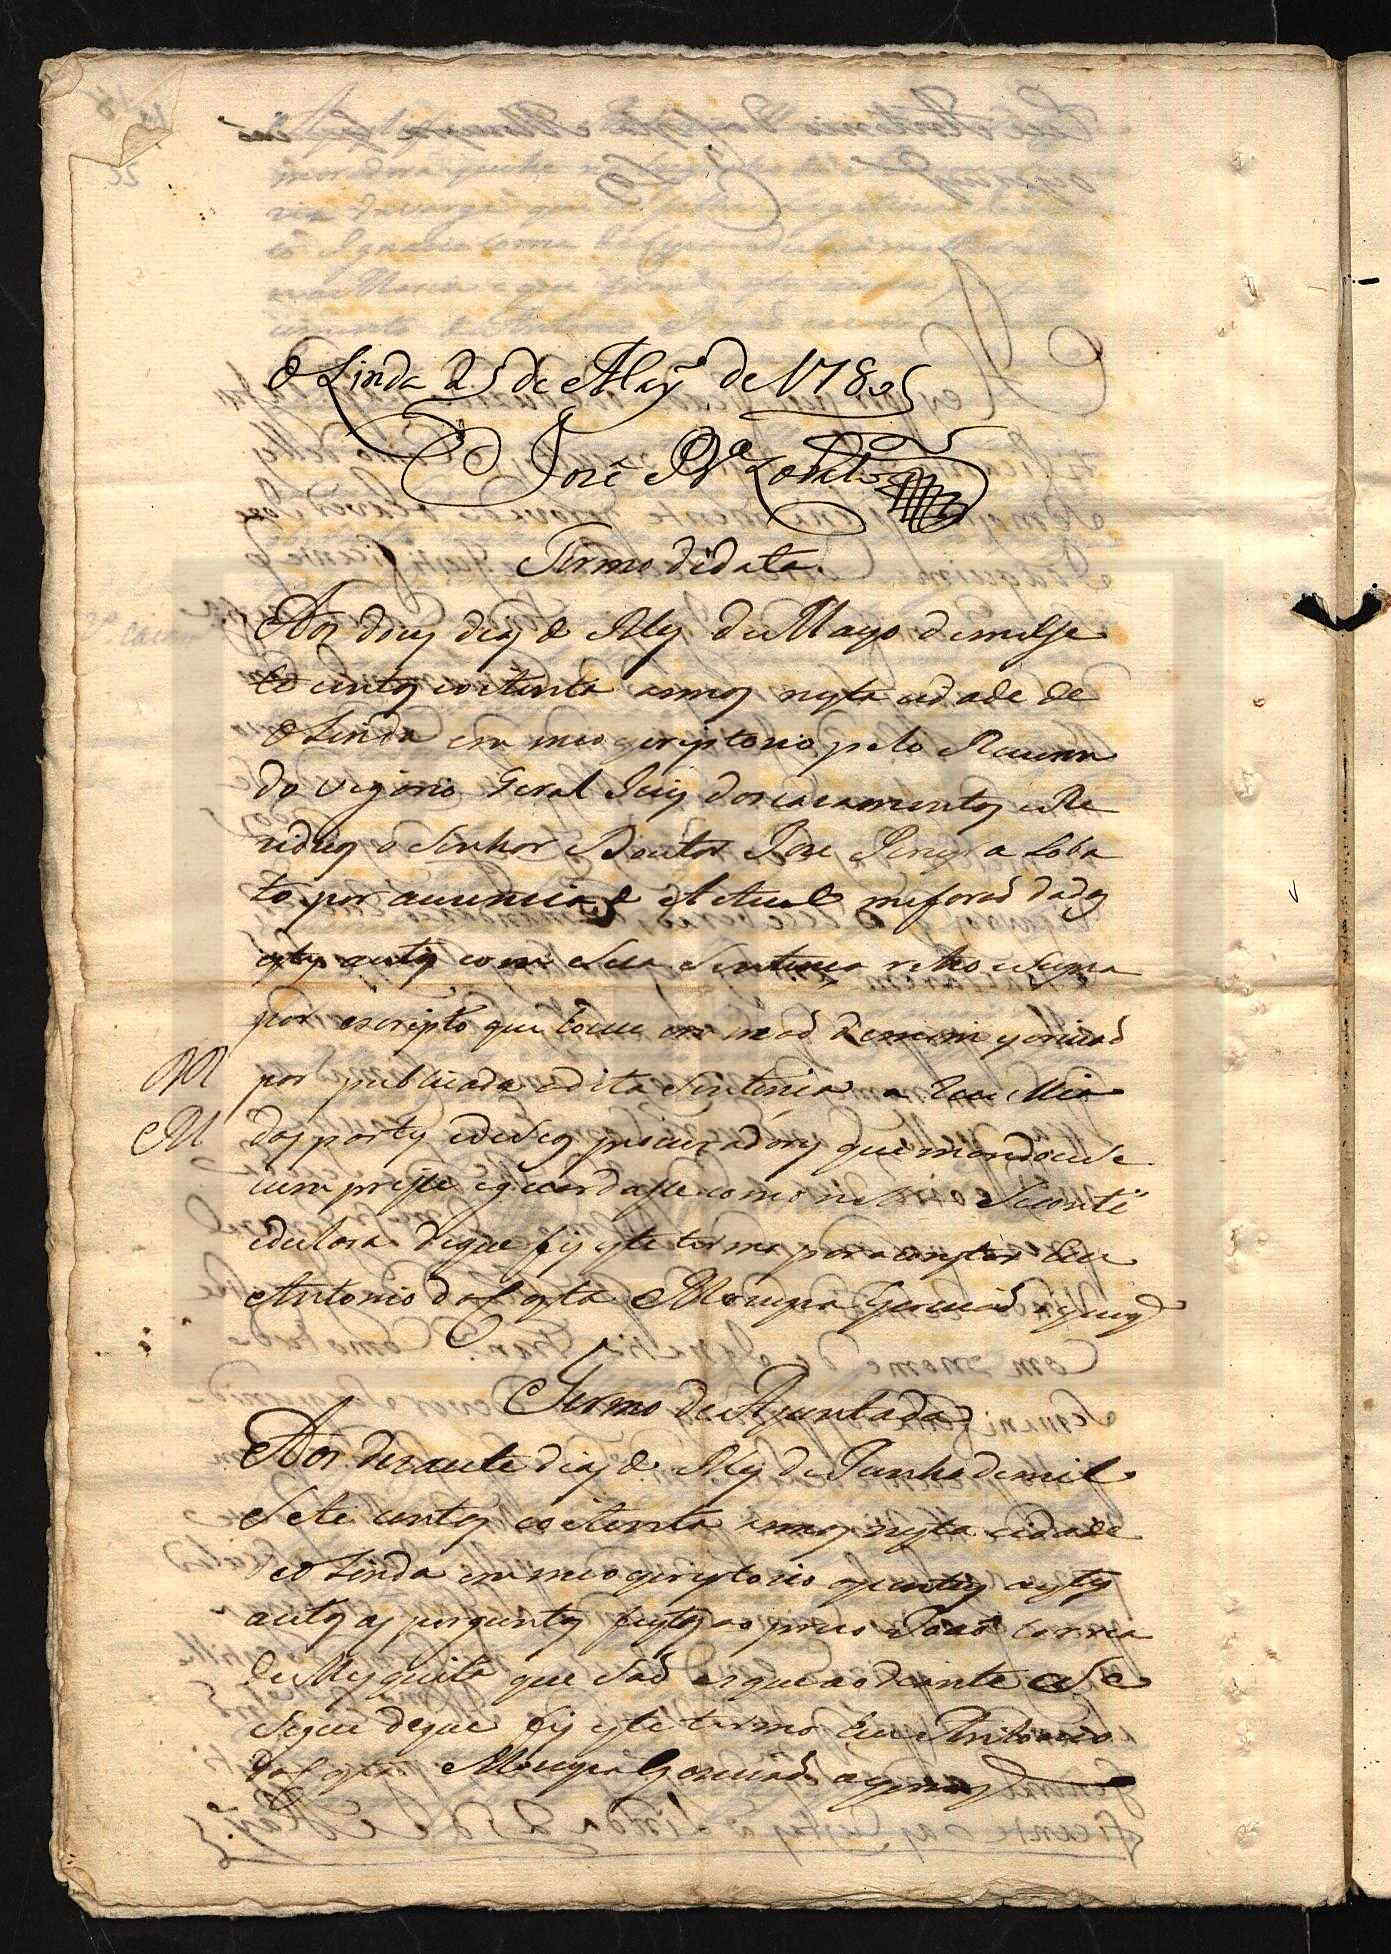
OLinda 2 de Mayo de 1780
Jozé Pr.a Lobato
Termo de data
Aos dous dia do Mes de Mayo de mil se
tecentos e oitenta annos nesta cidade de
OLinda em meo escriptorio pelo Reueren
do vigario Geral Iuis dos casamentos e Re
ziduos o Senhor Doutor Ioze Pereyra Loba
to por auzencia do Actual me foraõ dados
estes autos com sua Sentença retro e supra
por escripto que touce em maõ de mim escriuaõ
RR
por publicada a dita sentença a Reuellia
das partes e de seos procuradores que mandou se
M.
cumprisse e guardasse como nella se contē
e declara de que fis este termo para constar E eu
Antonio da Costa Moreya Escriuaõ o escrevj
Termo de Ajuntada
Aos dezacete dias do Mes de Iunho de mil
setecentos e oitenta annos nesta cidade
de oLinda em meo escriptorio ajuntey a estes
autos as perguntas feytas ao prezo Ioaõ Correa
de Mesquita que saõ as que aodiante e Se
segue de que fis este termo E eu Antonio
da Costa Moreyra Gauuaõ o escrevj
